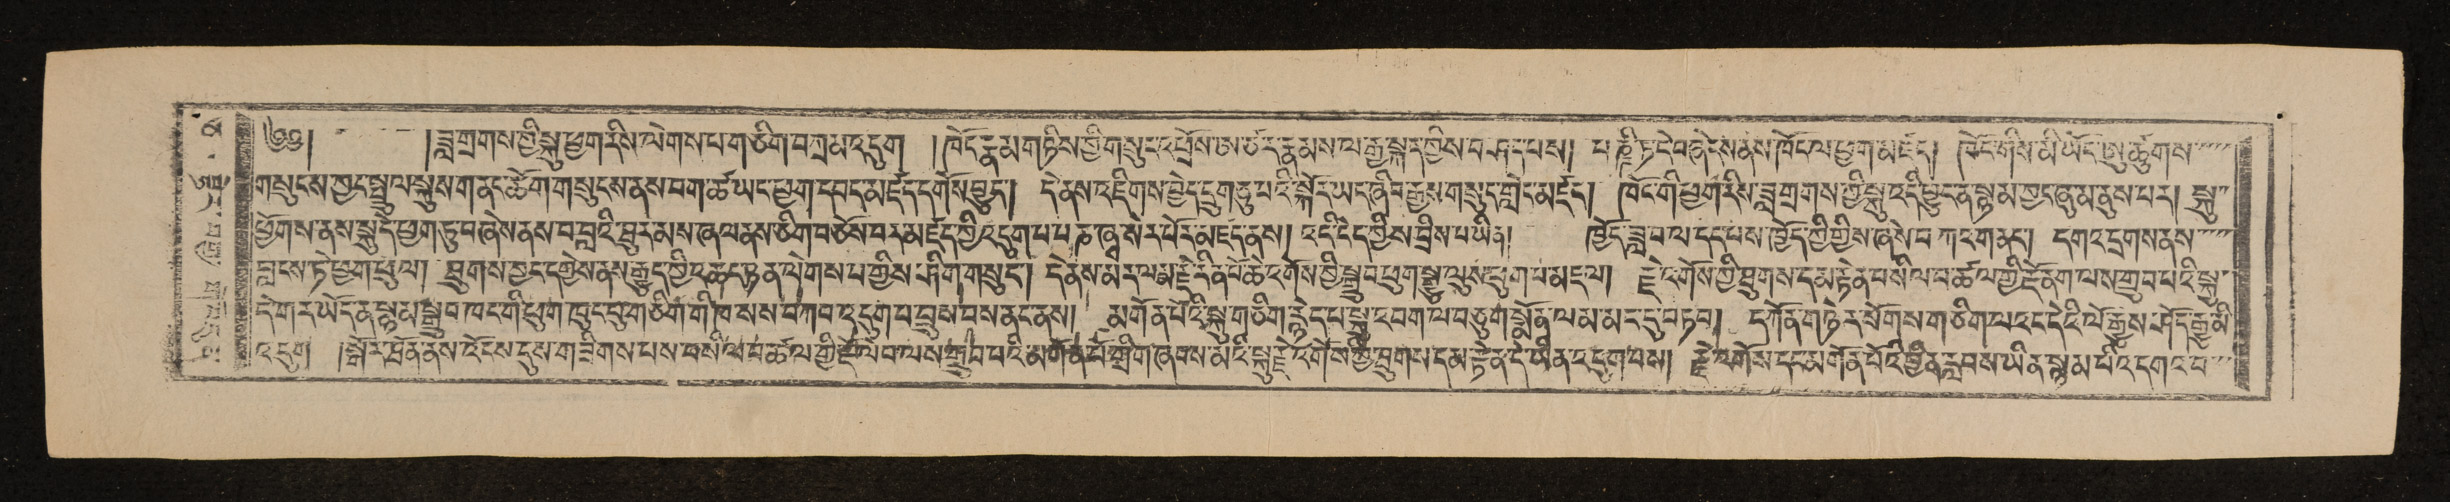༄༅། །ཟླ་གྲགས་ཀྱི་སྐུ་ཕྱག་རིས་ལེགས་པ་གཅིག་བཀྲམ་འདུག །ཁོང་རྣམ་གཉིས་ཀྱི་གསུང་འཕྲོས་ཨ་ཙར་རྣམས་ལ་རྒྱ་སྐད་ཀྱིས་བཤད་པས། པཎྜི་ཏ་དེ་བཞེངས་ནས་ཁོང་ལ་ཕྱག་མཛད། ཁོང་གིས་མི་ཡོང་ཨུ་ཚུགས་
གསུངས་ཀྱང་སྤྲུལ་སྐུས་གནང་ཆོག་གསུངས་ནས་བག་ཚ་ཡང་ཕྱག་དབང་མཛད་དགོས་བྱུང་། དེ་ནས་འཇིགས་བྱེད་དྲུག་ཅུ་པའི་སྐོར་ཡང་ཞིབ་རྒྱས་གསུང་གླེང་མཛད། ཁོང་གི་ཕྱག་རིས་ཟླ་གྲགས་ཀྱི་སྐུ་འདི་བྱུང་ན་སྙམ་ཀྱང་ཞུ་མ་ནུས་པར། སྐུ་
ཕྱོགས་ནས་སྐུ་དེ་ཕྱག་ཏུ་བཞེས་ནས་བ་བླའི་ཐུར་མས་ཞལ་ནས་ཅིག་བཅོས་པར་མཛད་ཀྱི་འདུག་པ་པཎ་ཞྭ་སེར་པོར་མཛད་ནས། འདི་ངེད་ཀྱིས་བྲིས་པ་ཡིན། ཁྱོད་ཟླ་བ་ལ་དད་པས་ཁྱོད་ཀྱི་གྱིས་ཞེས་བཀའ་གནང་། དགའ་དྲགས་ནས་
བླངས་ཏེ་ཕྱག་ཕུལ། ཐུགས་ཀྱང་དགྱེས་ནས་རྒྱུད་ཀྱི་འཆད་ཉན་ལེགས་པ་གྱིས་ཤིག་གསུང་། དེ་ནས་མར་ལམ་རྗེ་རིན་པོ་ཆེ་འགོས་ཀྱི་སྒྲུབ་ཕུག་སྒྱུ་ལུས་ཕུག་པ་མཇལ། རྗེ་འགོས་ཀྱི་ཐུགས་དམ་རྟེན་བསིལ་བ་ཚལ་གྱི་རྡོ་ནག་ལས་གྲུབ་པའི་སྐུ་
དེ་གར་ཡོད་ན་སྙམ་སྒྲུབ་ཁང་གི་ཕུག་ཁུང་བུ་གཅིག་གི་ཁ་སས་བཀབ་འདུག་པ་བྲུས་པས་ནང་ནས། མགོན་པོའི་སྐུ་གཅིག་རྙེད་པ་སྐུ་འབག་ལ་བཅུག་སྨོན་ལམ་མང་དུ་བཏབ། དཀོན་གཉེར་སོགས་གཅིག་ལའང་དེའི་ལོ་རྒྱུས་ཤོད་རྒྱུ་མི་
འདུག །སྒོར་ཐོན་ནས་འོངས་དུས་གཟིགས་པས་བསིལ་བ་ཚལ་གྱི་རྡོ་ལེབ་ལས་གྲུབ་པའི་མགོན་པོ་གྲིག་ཞབས་མའི་སྐུ་རྗེ་འགོས་ཀྱི་ཐུགས་དམ་རྟེན་དེ་ཡིན་འདུག་པས། རྗེ་འགོས་དང་མགོན་པོའི་བྱིན་རླབས་ཡིན་སྙམ་པའི་དགའ་བ་